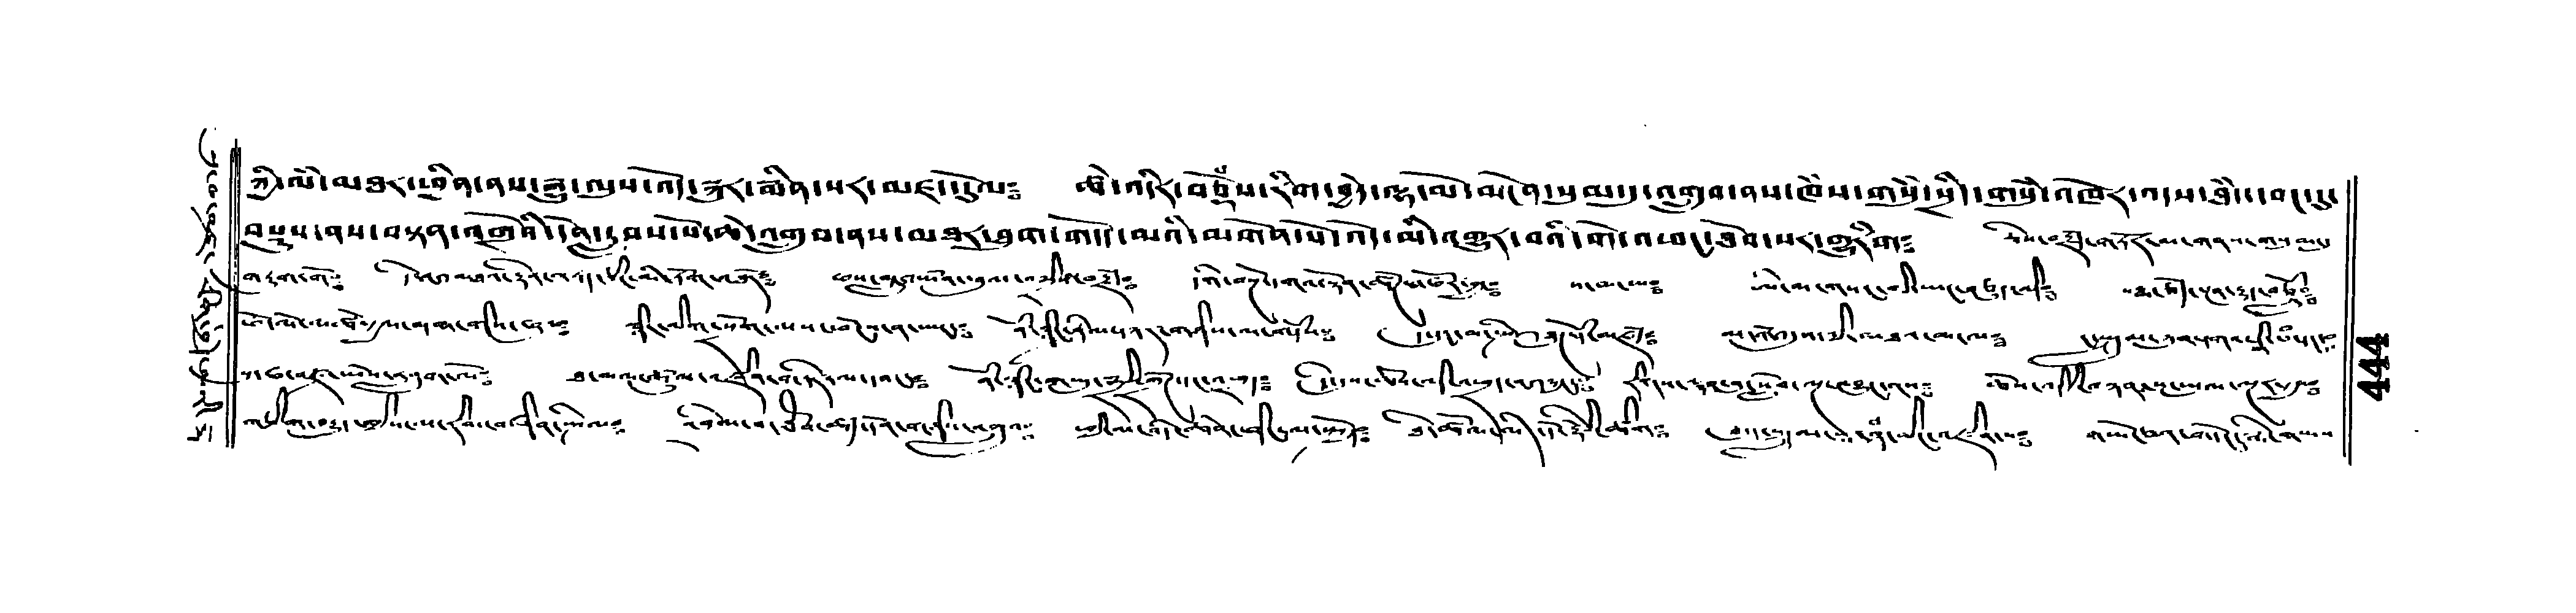īཀྱི་ལམ་མཐར་ཕྱིན་ནས་སྒྱུ་ལུས་འོད་སྐུར་སྨིན་པར་མཛད་དུ་གསོལ༔ ཚེ་འདིར་བཅོམ་ལྡན་འདས་རིག་བྱེད་ལྷ་མོ་མངོན་སུམ་དུ་འགྲུབ་ནས་ཁམས་གསུམ་སྲིད་གསུམ་འཁོར་འདས་ཐམས་ཅད་དབང་དུ་
བསྡུས་ནས་བསྟན་འགྲོའི་དོན་རླབས་པོ་ཆེ་འགྲུབ་ནས་མཐར་ཐུག་གདོད་མའི་མགོན་པོ་འོད་མི་འགྱུར་བའི་གོ་འཕང་ཐོབ་པར་གྱུར་ཅིག༔ ཅེས་བརྗོད་གཏོར་མ་གནས་གསུམ་དུ་
གཏུག་གོ༔ དེ་ནས་མཐའ་རྟེན་གཏད་ཅིང་མེ་ཏོག་འཐོར༔ ཁས་བླངས་ཡོན་ཕུལ་བཀྲ་ཤིས་བརྗོད༔ དགེ་བསྔོ་དགའ་སྟོན་ཚོགས་འཁོར་བྱ༔ ས་མ་ཡ༔ ཨེ་མ་གསང་བའི་ཡང་བཅུད་འདི༔ པདྨ་ཅོད་པན་རྒྱུད་བཅུ་གསུམ༔ 
ཁོ་མོ་མཚོ་རྒྱལ་བདག་གིས་ཞུས༔ སྙིང་མིག་སྲོག་ལས་ཕོངས་ན་ཡང༔ ནམ་སྙིང་ཤེལ་དཀར་གཉིས་ལ་གདམས༔ ད་དུང་མ་སྤེལ་ཐུགས་དམ་མཛོད༔ མ་འོངས་དུས་ཀྱི་མཐའ་མ་ལ༔ ང་སྤྲུལ་ཀུན་དགའ་དཱི་པཾ་དང༔ 
སུ་ཁ་བཛྲ་ཡོས་འབྲུག་ལོ༔ ཐ་མལ་ཚུལ་འཛིན་གཏེར་ལ་དབང༔ ནམ་སྙིང་གཡུ་སྒྲའི་གྲོགས་དང་འཕྲད༔ དེ་དུས་ཆོས་འདི་འཕྲད་ནས་ཀྱང༔ རིགས་ལྡན་བུ་སློབ་ལྔ་འབྱུང་གནས༔ ཆོས་འདིའི་བསྟན་པ་ཡུལ་ལྔར་རྒྱས༔ 
གཅིག་བརྒྱུད་གྱིས་ལ་རིམ་བཞིན་སྤེལ༔ འབྲེལ་བ་ཐོབ་ཚད་དོན་གཉིས་འགྲུབ༔ ཕྱི་མ་བདེ་ཆེན་ཞིང་ལ་སྤྱོད༔ ཐེ་ཚོམ་མེད་དོ་རྡོ་རྗེ་ཚིག༔ བདུད་སྤྲུལ་པཱ་ཤཾ་མིང་འཛིན་པ༔ གཡོ་ཅན་གདོང་སྨེ་གཡས་